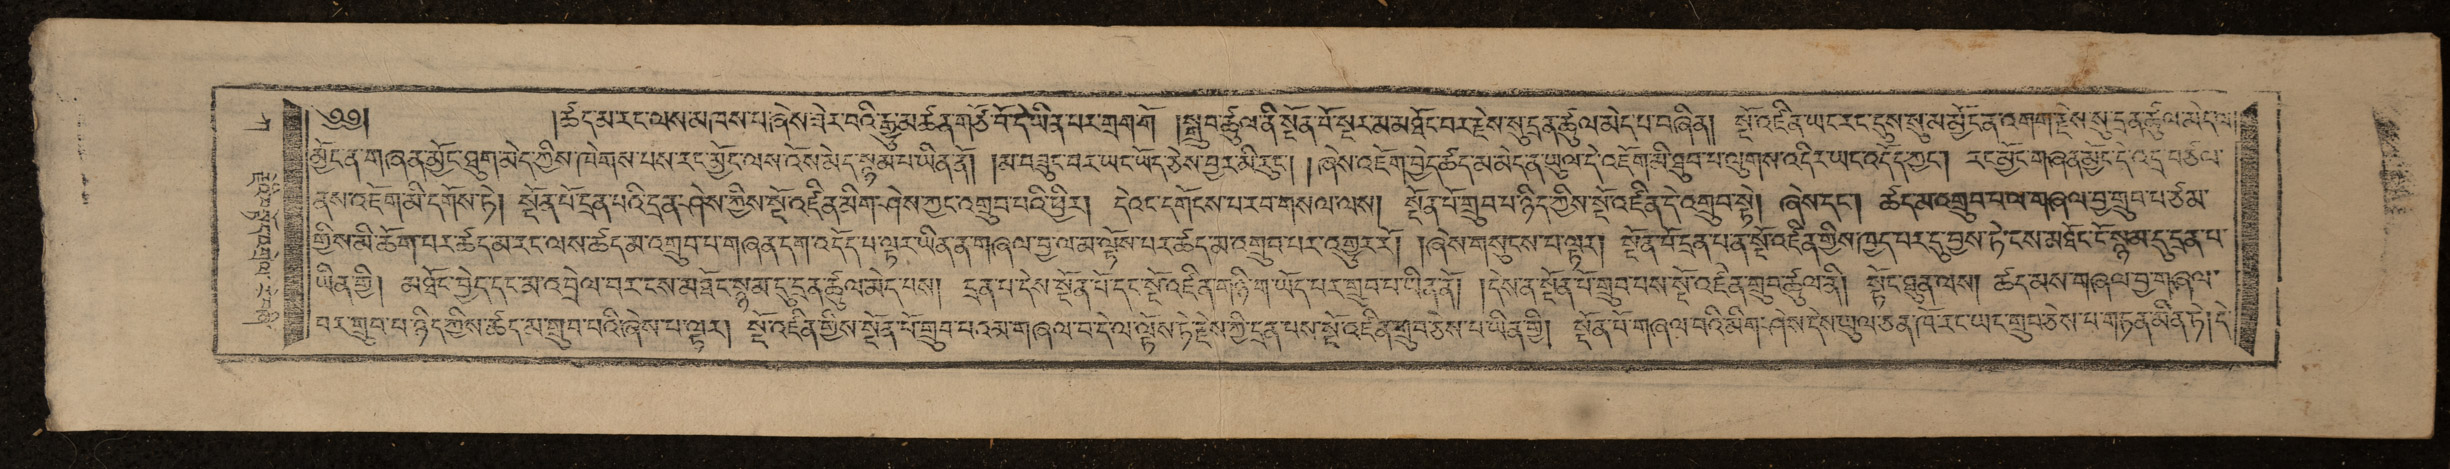༄༅། །ཚད་མ་རང་ལས་མཁས་པ་ཞེས་ཟེར་བའི་རྒྱུ་མཚན་གཙོ་བོ་དེ་ཡིན་པར་གྲག་གོ །སྒྲུབ་ཚུལ་ནི་སྔོན་པོ་སྔར་མ་མཐོང་བར་རྗེས་སུ་དྲན་ཚུལ་མེད་བ་བཞིན། སྔོ་འཛིན་ཡང་རང་དུས་སུ་མ་མྱོང་ན་འགག་རྗེས་སུ་དྲན་ཚུལ་མེད་ལ་
མྱོང་ན་གཞན་མྱོང་ཐུག་མེད་ཀྱིས་ཁེགས་པས་རང་མྱོང་ལས་འོས་མེད་སྙམ་པ་ཡིན་ནོ། །མ་བཟུང་བར་ཡང་ཡོད་ཅེས་བྱར་མི་རུང་། ཞེས་འཇོག་བྱེད་ཚད་མ་མེད་ན་ཡུལ་དེ་འཇོག་མི་ཐུབ་པ་ལུགས་འདིར་ཡང་འདོད་ཀྱང་། རང་མྱོང་གཞན་མྱོང་དེ་འདྲ་བཙལ་
ནས་འཇོག་མི་དགོས་ཏེ། སྔོན་པོ་དྲན་པའི་དྲན་ཤེས་ཀྱིས་སྔོ་འཛིན་མིག་ཤེས་ཀྱང་འགྲུབ་པའི་ཕྱིར། དེའང་དགོངས་པ་རབ་གསལ་ལས། སྔོན་པོ་གྲུབ་པ་ཉིད་ཀྱིས་སྔོ་འཛིན་དེ་འགྲུབ་སྟེ། ཞེས་དང་། ཚད་མ་འགྲུབ་པ་ལ་གཞལ་བྱ་གྲུབ་པ་ཙམ་
གྱིས་མི་ཆོག་པར་ཚད་མ་རང་ལས་ཚད་མ་འགྲུབ་པ་གཞན་དག་འདོད་པ་ལྟར་ཡིན་ན་གཞལ་བྱ་ལ་མ་ལྟོས་པར་ཚད་མ་འགྲུབ་པར་འགྱུར་རོ། །ཞེས་གསུངས་པ་ལྟར། སྔོན་པོ་དྲན་པ་ན་སྔོ་འཛིན་གྱིས་ཁྱད་པར་དུ་བྱས་ཏེ་ངས་མཐོང་ངོ་སྙམ་དུ་དྲན་པ་
ཡིན་གྱི། མཐོང་བྱེད་དང་མ་འབྲེལ་བ་རངས་མཐོང་སྙམ་དུ་དྲན་ཚུལ་མེད་པས། དྲན་པ་དེས་སྔོན་པོ་དང་སྔོ་འཛིན་གཉི་ག་ཡོད་པར་གྲུབ་པ་ཡིན་ནོ། །དེས་ན་སྔོན་པོ་གྲུབ་པས་སྔོ་འཛིན་གྲུབ་ཚུལ་ནི། སྟོང་ཐུན་ལས། ཚད་མས་གཞལ་བྱ་གཞལ་
བར་གྲུབ་པ་ཉིད་ཀྱིས་ཚད་མ་གྲུབ་པའི་ཞེས་པ་ལྟར། སྔོ་འཛིན་གྱིས་སྔོན་པོ་གྲུབ་བའམ་གཞལ་བ་དེ་ལ་ལྟོས་ཏེ་རྗེས་ཀྱི་དྲན་བས་སྔོ་འཛིན་གྲུབ་ཅེས་པ་ཡིན་གྱི། སྔོན་པོ་གཞལ་བའི་མིག་ཤེས་དེར་ཡུལ་ཅན་ཁོ་རང་ཡང་གྲུབ་ཅེས་པ་གཏན་མིན་ཏེ། དེ་